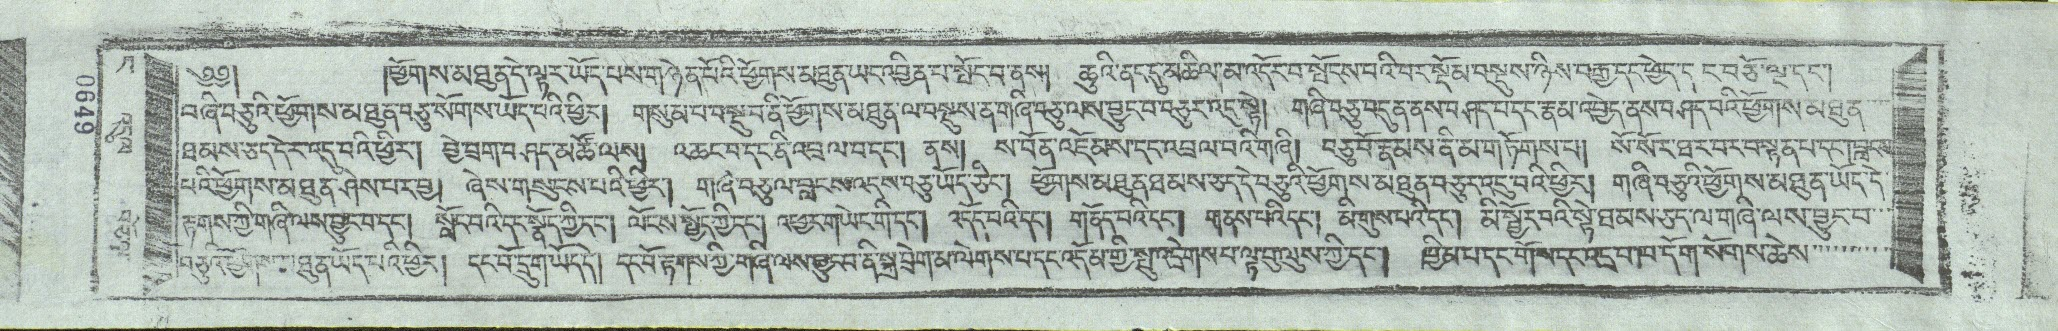༄༅། །ཕྱོགས་མཐུན་དེ་ལྟར་ཡོད་པས་གཉེན་པོའི་ཕྱོགས་མཐུན་ཡང་འབྱིན་པ་སྤོང་བ་ནས། ཆུའི་ནང་དུ་མཆིལ་མ་འདོར་བ་སྤོངས་པའི་བར་སྡོམ་བསྡུས་ཉིས་བརྒྱ་དང་ཕྱེད་དང་བཅོ་ལྔ་དང་།
བཞི་བཅུའི་ཕྱོགས་མཐུན་བཅུ་སོགས་ཡོད་པའི་ཕྱིར། གསུམ་པ་བསྡུ་བ་ནི་ཕྱོགས་མཐུན་ལ་བསྡུས་ན་གཞི་བཅུ་ལས་བྱུང་བ་བཅུར་འདུ་སྟེ། གཞི་བཅུ་བདུན་ནས་བཤད་པ་དང་རྣམ་འབྱེད་ནས་བཤད་པའི་ཕྱོགས་མཐུན་
ཐམས་ཅད་དེར་འདུ་བའི་ཕྱིར། བྱེ་བྲག་བཤད་མཚོ་ལས། འཆང་བ་དང་ནི་འབྲལ་བ་དང་། ནས། ས་བོན་འཇོམས་དང་འབྲལ་བའི་གཞི། བཅུ་པོ་རྣམས་ནི་མ་གཏོགས་པ། སོ་སོར་ཐར་བར་བསྟན་པ་དང་། བླངས་
པའི་ཕྱོགས་མཐུན་ཤེས་པར་བྱ། ཞེས་གསུངས་པའི་ཕྱིར། གཞི་བཅུ་ལ་བླངས་འདས་བཅུ་ཡོད་ཅིང་། ཕྱོགས་མཐུན་ཐམས་ཅད་དེ་བཅུའི་ཕྱོགས་མཐུན་བཅུར་འདུ་བའི་ཕྱིར། གཞི་བཅུའི་ཕྱོགས་མཐུན་ཡོད་དེ་
རྟགས་ཀྱི་གཞི་ལས་བྱུང་བ་དང་། སློང་བའི་དང་སྣོད་ཀྱི་དང་། ལོངས་སྤྱོད་ཀྱི་དང་། འཕྱར་གཡེང་གི་དང་། འདོད་པའི་དང་། གནོད་པའི་དང་། གནས་པའི་དང་། མི་གུས་པའི་དང་། མི་སྦྱོར་བའི་སྟེ་ཐམས་ཅད་ལ་གཞི་ལས་བྱུང་བ་
བཅུའི་ཕྱོགས་མཐུན་ཡོད་པའི་ཕྱིར། དང་པོ་དྲུག་ཡོད་དེ། དང་པོ་རྟགས་ཀྱི་གཞི་ལས་བྱུང་བ་ནི་སྐྲ་བྲེག་མ་ལེགས་པ་དང་འདོམ་གྱི་སྤུ་འདྲེགས་པ་ལྟ་བུ་ལུས་ཀྱི་དང་། ཁྱིམ་པ་དང་གོས་དང་འདྲ་བ་ཁ་དོག་སོགས་ཆེས་